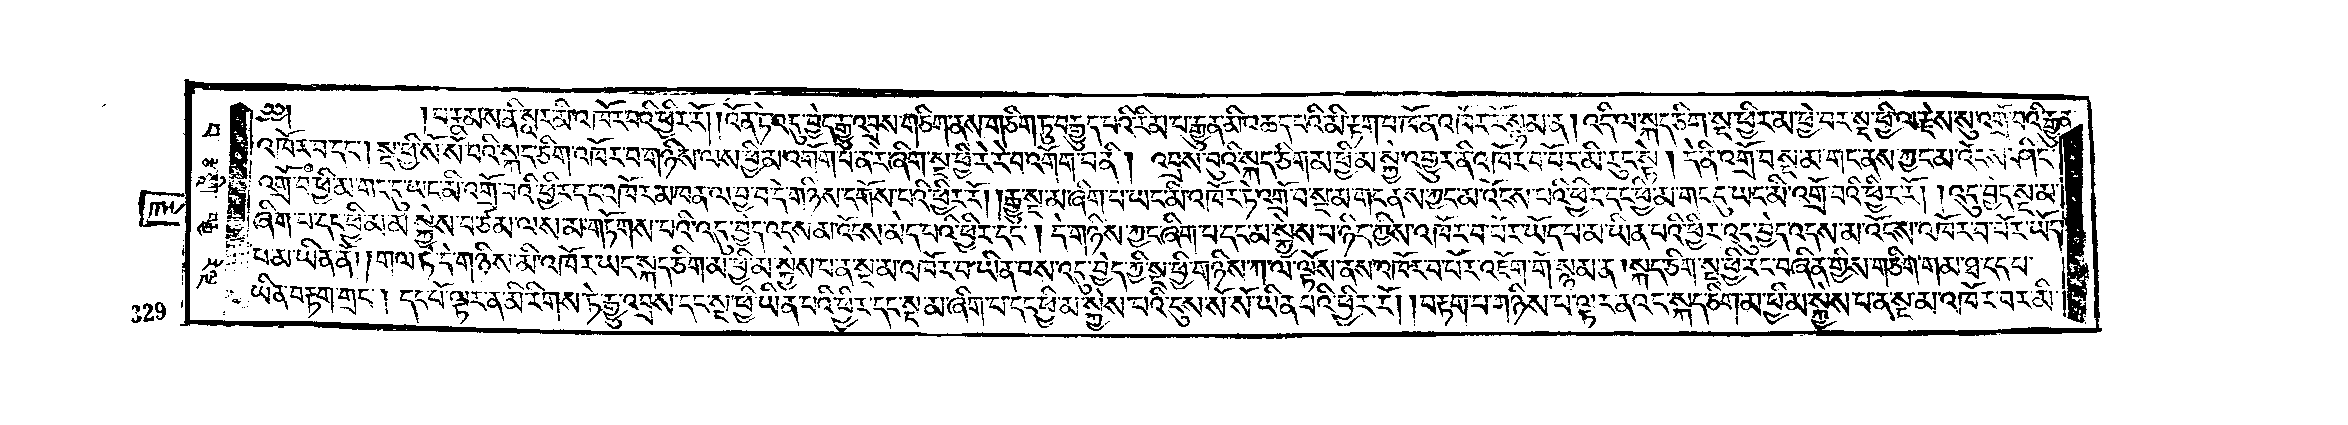༄༅། །པ་རྣམས་ནི་སླར་མི་འཁོར་བའི་ཕྱིར་རོ། །འོན་ཏེ་འདུ་བྱེད་རྒྱུ་འབྲས་གཅིག་ནས་གཅིག་ཏུ་བརྒྱུད་པའི་རིམ་པ་རྒྱུན་མི་འཆད་བའི་མི་རྟག་པ་ཁོ་ན་འཁོར་རོ་སྙམ་ན། འདི་ལ་སྐད་ཅིག་སྔ་ཕྱིར་མ་ཕྱེ་བར་སྔ་ཕྱི་ལ་རྗེས་སུ་འགྲོ་བའི་རྒྱུན་
འཁོར་བ་དང་། སྔ་ཕྱི་སོ་སོ་བའི་སྐད་ཅིག་འཁོར་བ་གཉིས་ལས་ཕྱི་མ་འགོག་པ་ན་རེ་ཞིག་སྔ་ཕྱི་རེ་རེ་བ་འགོག་པ་ནི། འབྲས་བུའི་སྐད་ཅིག་མ་ཕྱི་མ་སྐྱེ་འགྱུར་ནི་འཁོར་བ་པོར་མི་རུང་སྟེ། དེ་ནི་འགྲོ་བ་སྔ་མ་གང་ནས་ཀྱང་མ་འོངས་ཤིང་
འགྲོ་བ་ཕྱི་མ་གང་དུ་ཡང་མི་འགྲོ་བའི་ཕྱིར་དང་འཁོར་མཁན་ལ་བྱ་བ་དེ་གཉིས་དགོས་པའི་ཕྱིར་རོ། །རྒྱུ་སྔ་མ་ཞིག་པ་ཡང་མི་འཁོར་ཏེ་འགྲོ་བ་སྔ་མ་གང་ནས་ཀྱང་མ་འོངས་པའི་ཕྱིར་དང་ཕྱི་མ་གང་དུ་ཡང་མི་འགྲོ་བའི་ཕྱིར་རོ། །འདུ་བྱེད་སྔ་མ་
ཞིག་པ་དང་ཕྱི་མ་མ་སྐྱེས་པ་ཙམ་ལས་མ་གཏོགས་པའི་འདུ་བྱེད་འདས་མ་འོངས་མེད་པའི་ཕྱིར་དང་། དེ་གཉིས་ཀྱང་ཞིག་པ་དང་མ་སྐྱེས་པ་ཉིད་ཀྱིས་འཁོར་བ་པོར་ཡོད་པ་མ་ཡིན་པའི་ཕྱིར་འདུ་བྱེད་འདས་མ་འོངས་འཁོར་བ་པོར་ཡོད་
པ་མ་ཡིན་ནོ། །གལ་ཏེ་དེ་གཉིས་མི་འཁོར་ཡང་སྐད་ཅིག་མ་ཕྱི་མ་སྐྱེས་པ་ན་སྔ་མ་འཁོར་བ་ཡིན་པས་འདུ་བྱེད་ཀྱི་སྔ་ཕྱི་གཉིས་ཀ་ལ་ལྟོས་ནས་འཁོར་བ་པོར་འཇོག་གོ་སྙམ་ན། སྐད་ཅིག་སྔ་ཕྱི་རང་བཞིན་གྱིས་གཅིག་གམ་ཐ་དད་པ་
ཡིན་བརྟག་གྲང་། དང་པོ་ལྟར་ན་མི་རིགས་ཏེ་རྒྱུ་འབྲས་དང་སྔ་ཕྱི་ཡིན་པའི་ཕྱིར་དང་སྔ་མ་ཞིག་པ་དང་ཕྱི་མ་སྐྱེས་པའི་དུས་སོ་སོ་ཡིན་པའི་ཕྱིར་རོ། །བརྟག་པ་གཉིས་པ་ལྟར་ནའང་སྐད་ཅིག་མ་ཕྱི་མ་སྐྱེས་པ་ན་སྔ་མ་འཁོར་བར་མི་